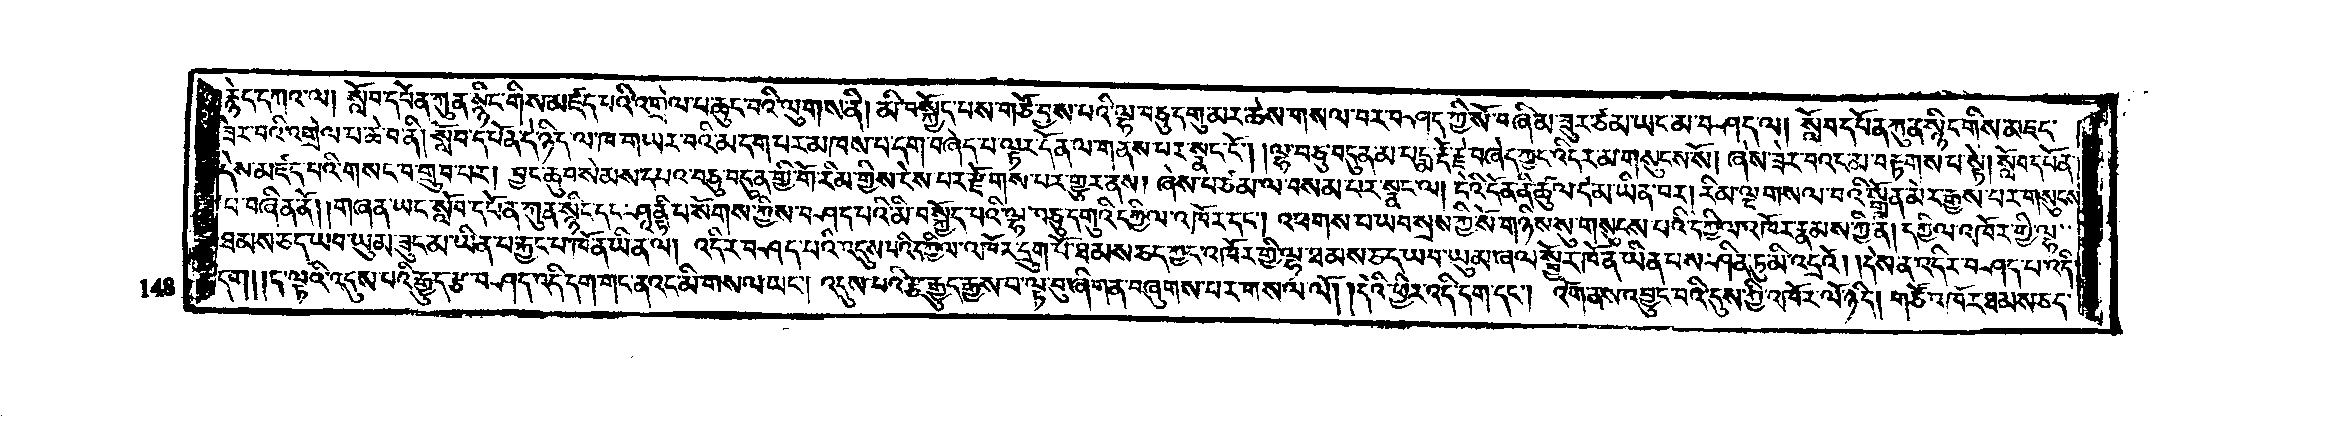རྙེད་དཀའ་ལ། སློབ་དཔོན་ཀུན་སྙིང་གིས་མཛད་པའི་འགྲེལ་པ་ཆུང་བའི་ལུགས་ནི། མི་བསྐྱོད་པས་གཙོ་བྱས་པའི་ལྷ་བཅུ་དགུ་མར་ཆེས་གསལ་བར་བཤད་ཀྱི་སོ་བཞི་མ་ཟུར་ཙམ་ཡང་མ་བཤད་ལ། སློབ་དཔོན་ཀུན་སྙིང་གིས་མཛད་
ཟེར་བའི་འགྲེལ་པ་ཆེ་བ་ནི། སློབ་དཔོན་དེ་ཉིད་ལ་ཁ་གཡར་བའི་མ་དག་པར་མཁས་པ་དག་བཞེད་པ་ལྟར་དོན་ལ་གནས་པར་སྣང་ངོ། །ལྷ་བཅུ་བདུན་མ་པདམ་རྡོ་རྗེ་བཞེད་ཀྱང་འདིར་མ་གསུངས་སོ། ཞེས་ཟེར་བའང་མ་བརྟགས་པ་སྟེ། སློབ་དཔོན་
དེས་མཛད་པའི་གསང་བ་གྲུབ་པར། བྱང་ཆུབ་སེམས་དཔའ་བཅུ་བདུན་གྱི་གོ་རིམ་གྱིས་ངེས་པར་རྫོགས་པར་གྱུར་ནས། ཞེས་པ་ཙམ་ལ་བསམ་པར་སྣང་ལ། དེའི་དོན་ནི་ཚུལ་དེ་མ་ཡིན་པར། རིམ་ལྔ་གསལ་བའི་སྒྲོན་མེར་རྒྱས་པར་གསུངས་པ་བཞིན་ནོ། །གཞན་ཡང་སློབ་དཔོན་ཀུན་སྙིང་དང་ཤཱནྟི་པ་སོགས་ཀྱིས་བཤད་པའི་མི་བསྐྱོད་པའི་ལྷ་བཅུ་དགུའི་དཀྱིལ་འཁོར་དང་། འཕགས་པ་ཡབ་སྲས་ཀྱི་སོ་གཉིས་སུ་གསུངས་པའི་དཀྱིལ་འཁོར་རྣམས་ཀྱི་ནི། དཀྱིལ་འཁོར་གྱི་ལྷ་
ཐམས་ཅད་ཡབ་ཡུམ་ཟུང་མ་ཡིན་པ་རྐྱང་པ་ཁོ་ན་ཡིན་ལ། འདིར་བཤད་པའི་འདུས་པའི་དཀྱིལ་འཁོར་དྲུག་པོ་ཐམས་ཅད་ཀྱང་འཁོར་གྱི་ལྷ་ཐམས་ཅད་ཡབ་ཡུམ་ཞལ་སྦྱོར་ཁོ་ན་ཡིན་པས་ཤིན་ཏུ་མི་འདྲའོ། །དེས་ན་འདིར་བཤད་པ་འདི་
དག། །ད་ལྟའི་འདུས་པའི་རྒྱུད་རྩ་བཤད་འདི་དག་གང་ནའང་མི་གསལ་ཡང་། འདུས་པའི་རྩ་རྒྱུད་རྒྱས་པ་ལྟ་བུ་ཞིག་ན་བཞུགས་པར་གསལ་ལོ། །དེའི་ཕྱིར་འདི་དག་དང་། འོག་ནས་འབྱུང་བའི་དུས་ཀྱི་འཁོར་ལོ་ཉིད། གཙོ་འཁོར་ཐམས་ཅད་